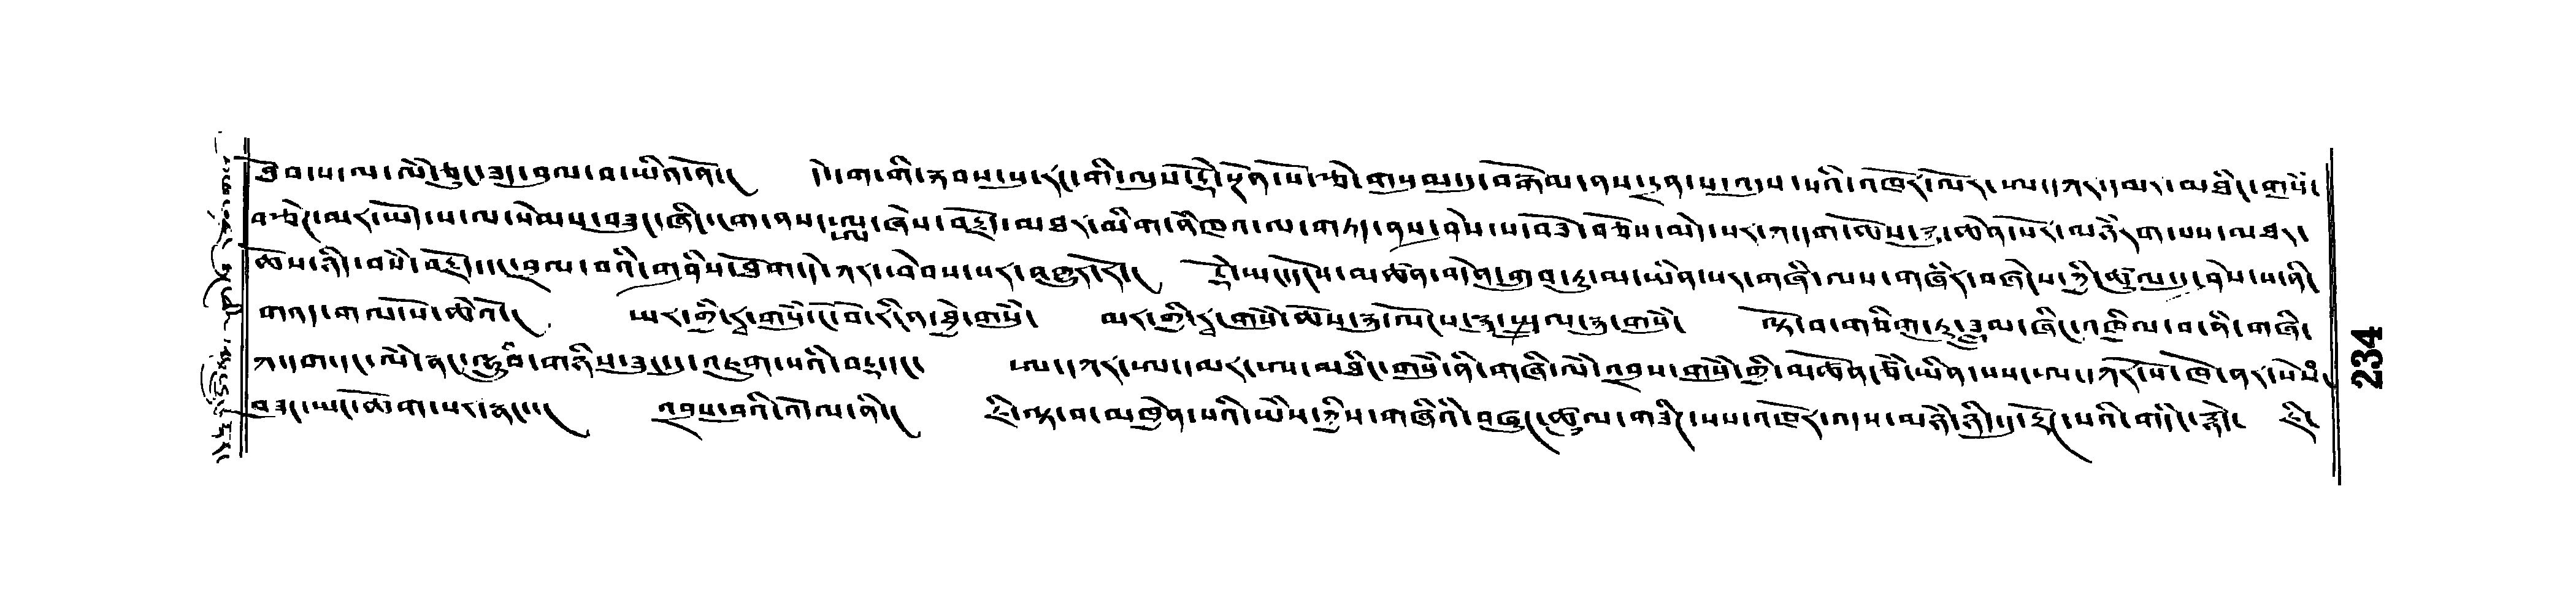ཐོབ་པ་ལ་ལམ་ཅུང་ཟད་བུལ་བ་ཡིན་ནོ། དེ་དག་གི་སྐབས་སུ་རང་གི་ལུས་རྡོ་རྗེ་སྔོན་པོ་རྩེ་གསུམ་དུ་བསྒོམ་ནས་དྲན་པ་འདུས་པའི་འཁོར་ལོར་ཨ་དཀར་དམར་མཐིང་གསུམ་
བརྩེགས་མར་ཡོད་པ་ལ་སེམས་བཟུང་ཞིང་ངག་ནས་ཨ་ཨ་ཨ་ཞེས་བརྗོད་མཐར་མིག་ནམ་མཁའ་ལ་གཏད་ནས་ཤེས་པ་བཟོ་བཅོས་མེད་པར་ཀ་དག་ཆོས་སྐུ་ཆེན་པོར་མཉམ་པར་བཞག་པས་མཐར་
ཆོས་ཉིད་བསམ་བརྗོད་དང་བྲལ་བའི་གཤིས་ཐོག་དེ་ཀར་ཕེབས་པར་འགྱུར་རོ། རྡོ་རྗེ་ཡང་དངོས་མཚན་བདེན་གྲུབ་ཏུ་མ་ཡིན་པར་གཞི་ལས་གཞིར་བཞེངས་ཀྱི་ཚུལ་དུ་ཤེས་པ་ནི་
གནད་གལ་པོ་ཆེའོ། ཡར་གྱི་རྭ་གསུམ་ངོ་བོ་རང་བཞིན་ཐུགས་རྗེ་གསུམ། མར་གྱི་རྭ་གསུམ་ཆོས་སྐུ་ལོངས་སྐུ་སྤྲུལ་སྐུ་གསུམ། ལྟོ་བ་གཅིག་ཏུ་ཟླུམ་ཞིང་འཁྱིལ་བ་ནི་གཞི་
ཀ་དག་དང་ལམ་སྣང་ལྷུན་གྲུབ་གཉིས་ཟུང་དུ་འཇུག་པའི་བརྡ་དང་། ཨ་དཀར་ཨ་དམར་ཨ་མཐིང་གསུམ་ནི་གཞི་ལམ་འབྲས་གསུམ་གྱི་མཚོན་ཙམ་ཡིན་པས་ཨ་དཀར་པོ་ཁོ་ནར་སེམས་
བཟུང་ཡང་ཆོག་པར་སྣང་།འབྲས་བུའི་འོད་གསལ་ནི། ཇི་ལྟ་བ་མཁྱེན་པའི་ཡེ་ཤེས་ཀྱིས་གཞིའི་བཞུགས་ཚུལ་གཟིགས་པས་འཁོར་འདས་མཉམ་ཉིད་དུ་རྟོགས་པའི་གདིང་རྙེད། ཇི་